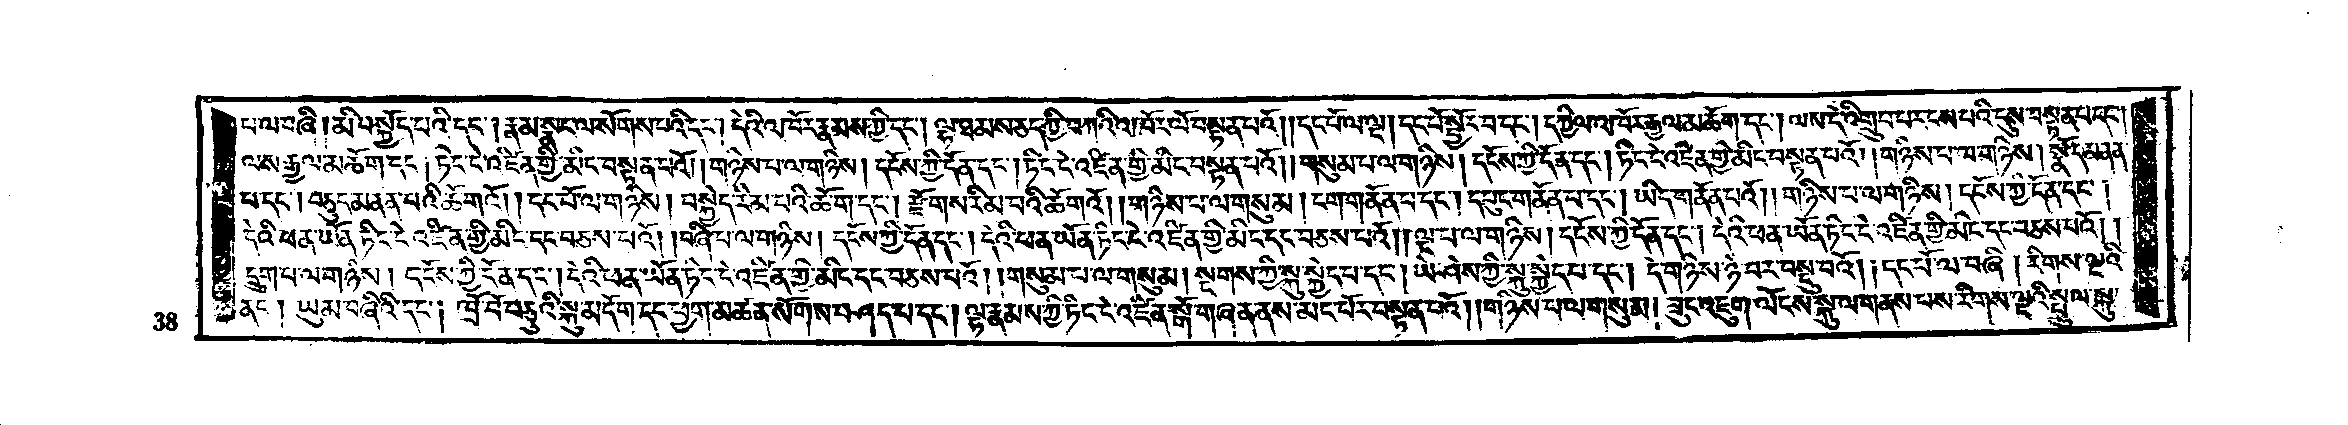པ་ལ་བཞི། མི་བསྐྱོད་པའི་དང་། རྣམ་སྣང་ལ་སོགས་པའི་དང་། དེའི་འཁོར་རྣམས་ཀྱི་དང་། ལྷ་ཐམས་ཅད་ཀྱི་བཀའི་འཁོར་ལོ་བསྟན་པའོ། །དང་པོ་ལ་ལྔ། དང་པོ་སྦྱོར་བ་དང་། དཀྱིལ་འཁོར་རྒྱལ་མཆོག་དང་། ལས་དེ་འགྲུབ་པར་ངེས་པའི་དུས་བསྟན་པ་དང་།
ལས་རྒྱལ་མཆོག་དང་། ཏིང་ངེ་འཛིན་གྱི་མིང་བསྟན་པའོ། །གཉིས་པ་ལ་གཉིས། དངོས་ཀྱི་དོན་དང་། ཏིང་ངེ་འཛིན་གྱི་མིང་བསྟན་པའོ། །གསུམ་པ་ལ་གཉིས། དངོས་ཀྱི་དོན་དང་། ཏིང་ངེ་འཛིན་གྱི་མིང་བསྟན་པའོ། །གཉིས་པ་ལ་གཉིས། སྣོད་མནན་
པ་དང་། བཅུད་མནན་པའི་ཆོ་གའོ། །དང་པོ་ལ་གཉིས། བསྐྱེད་རིམ་པའི་ཆོ་ག་དང་། རྫོགས་རིམ་པའི་ཆོ་གའོ། །གཉིས་པ་ལ་གསུམ། ངག་གནོན་པ་དང་། དཔུང་གནོན་པ་དང་། ཡིད་གནོན་པའོ། །གཉིས་པ་ལ་གཉིས། དངོས་ཀྱི་དོན་དང་།
དེའི་ཕན་ཡོན་ཏིང་ངེ་འཛིན་གྱི་མིང་དང་བཅས་པའོ། །བཞི་པ་ལ་གཉིས། དངོས་ཀྱི་དོན་དང་། དེའི་ཕན་ཡོན་ཏིང་ངེ་འཛིན་གྱི་མིང་དང་བཅས་པའོ། །ལྔ་པ་ལ་གཉིས། དངོས་ཀྱི་དོན་དང་། དེའི་ཕན་ཡོན་ཏིང་ངེ་འཛིན་གྱི་མིང་དང་བཅས་པའོ། །
དྲུག་པ་ལ་གཉིས། དངོས་ཀྱི་དོན་དང་། དེའི་ཕན་ཡོན་ཏིང་ངེ་འཛིན་གྱི་མིང་དང་བཅས་པའོ། །གསུམ་པ་ལ་གསུམ། སྔགས་ཀྱི་སྐུ་སྐྱེད་པ་དང་། ཡེ་ཤེས་ཀྱི་སྐུ་སྐྱེད་པ་དང་། དེ་གཉིས་ཉེ་བར་བསྡུ་བའོ། །དང་པོ་ལ་བཞི། རིགས་ལྔའི་
དང་། ཡུམ་བཞིའི་དང་། ཁྲོ་བོ་བཅུའི་སྐུ་མདོག་དང་ཕྱག་མཚན་སོགས་བཤད་པ་དང་། ལྷ་རྣམས་ཀྱི་ཏིང་ངེ་འཛིན་སྒོ་གཞན་ནས་མང་པོར་བསྟན་པའོ། །གཉིས་པ་ལ་གསུམ། ཟུང་འཇུག་ལོངས་སྐུ་ལ་གནས་པས་རིགས་ལྔའི་སྤྲུལ་སྐུ་